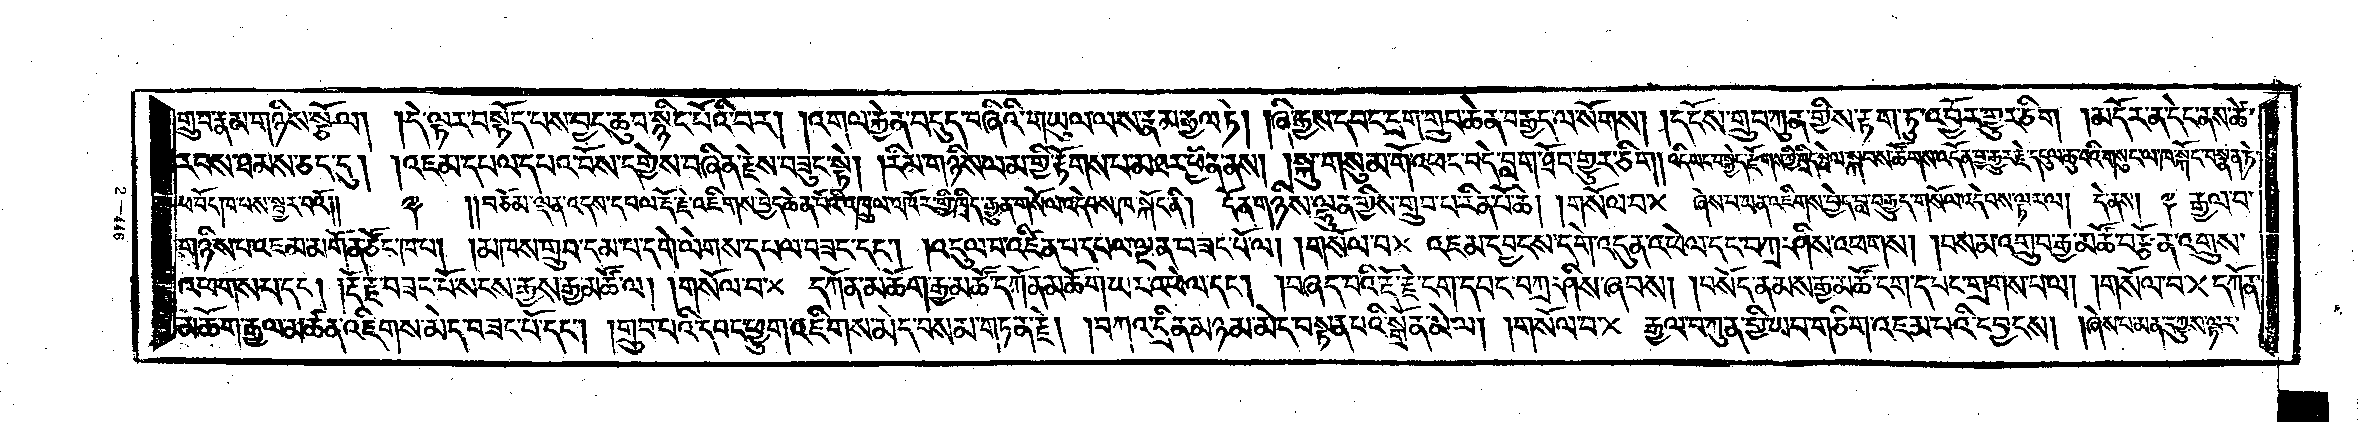གྲུབ་རྣམ་གཉིས་སྩོལ། །དེ་ལྟར་བསྟོད་པས་བྱང་ཆུབ་སྙིང་པོའི་བར། །འགལ་རྐྱེན་བདུད་བཞིའི་གཡུལ་ལས་རྣམ་རྒྱལ་ཏེ། །ཞི་རྒྱས་དབང་དྲག་གྲུབ་ཆེན་བརྒྱད་ལ་སོགས། །དངོས་གྲུབ་ཀུན་གྱིས་རྟག་ཏུ་འབྱོར་གྱུར་ཅིག །མདོར་ན་དེང་ནས་ཚེ་
རབས་ཐམས་ཅད་དུ། །འཇམ་དཔལ་དཔའ་བོས་དགྱེས་བཞིན་རྗེས་བཟུང་སྟེ། །རིམ་གཉིས་ལམ་གྱི་རྟོགས་པ་མཐར་ཕྱིན་ནས། །སྐུ་གསུམ་གོ་འཕང་བདེ་བླག་ཐོབ་གྱུར་ཅིག ། འདི་ཡང་བསྐྱེད་རྫོགས་ཀྱི་ཁྲིད་སྤེལ་སྐབས་ཚོགས་འདོན་བྱ་རྒྱུར་རྗེ་དངུལ་ཆུ་བའི་གསུང་ལ་ཁ་སྐོང་བསྣན་ཏེ་
ཕ་བོང་ཁ་པས་སྦྱར་བའོ།། ༈ །།བཅོམ་ལྡན་འདས་དཔལ་རྡོ་རྗེ་འཇིགས་བྱེད་ཆེན་པོའི་འཁྲུལ་འཁོར་གྱི་ཁྲིད་རྒྱུན་གསོལ་འདེབས་ཁ་སྐོང་ནི། དོན་གཉིས་ལྷུན་གྱིས་གྲུབ་པ་རིན་པོ་ཆེ། །གསོལ་བ་྾་ཞེས་པ་ཡན་འཇིགས་བྱེད་བླ་བརྒྱུད་གསོལ་འདེབས་ལྟར་ལ། དེ་ནས།  ༈ རྒྱལ་བ་
གཉིས་པ་འཇམ་མགོན་ཙོང་ཁ་པ། །མཁས་གྲུབ་དམ་པ་དགེ་ལེགས་དཔལ་བཟང་དང་། །འདུལ་བ་འཛིན་པ་དཔལ་ལྡན་བཟང་པོ་ལ། །གསོལ་བ་྾་འཇམ་དབྱངས་དགེ་འདུན་འཕེལ་དང་བཀྲ་ཤིས་འཕགས། །བསམ་འགྲུབ་རྒྱ་མཚོ་བརྩོན་འགྲུས་
འཕགས་པ་དང་། །རྡོ་རྗེ་བཟང་པོ་སངས་རྒྱས་རྒྱ་མཚོ་ལ། །གསོལ་བ་྾་དཀོན་མཆོག་རྒྱ་མཚོ་དཀོན་མཆོག་ཡར་འཕེལ་དང་། །བཞད་པའི་རྡོ་རྗེ་ངག་དབང་བཀྲ་ཤིས་ཞབས། །བསོད་ནམས་རྒྱ་མཚོ་ངག་དབང་གྲགས་པ་ལ། །གསོལ་བ་྾་།ཞེས་པ་མན་དཀྱུས་ལྟར་་དཀོན་
མཆོག་རྒྱལ་མཚན་འཇིགས་མེད་བཟང་པོ་དང་། །གྲུབ་པའི་དབང་ཕྱུག་འཇིགས་མེད་བསམ་གཏན་རྗེ། །བཀའ་དྲིན་མཉམ་མེད་བསྟན་པའི་སྒྲོན་མེ་ལ། །གསོལ་བ་྾་རྒྱལ་བ་ཀུན་གྱི་ཡབ་གཅིག་འཇམ་པའི་དབྱངས།